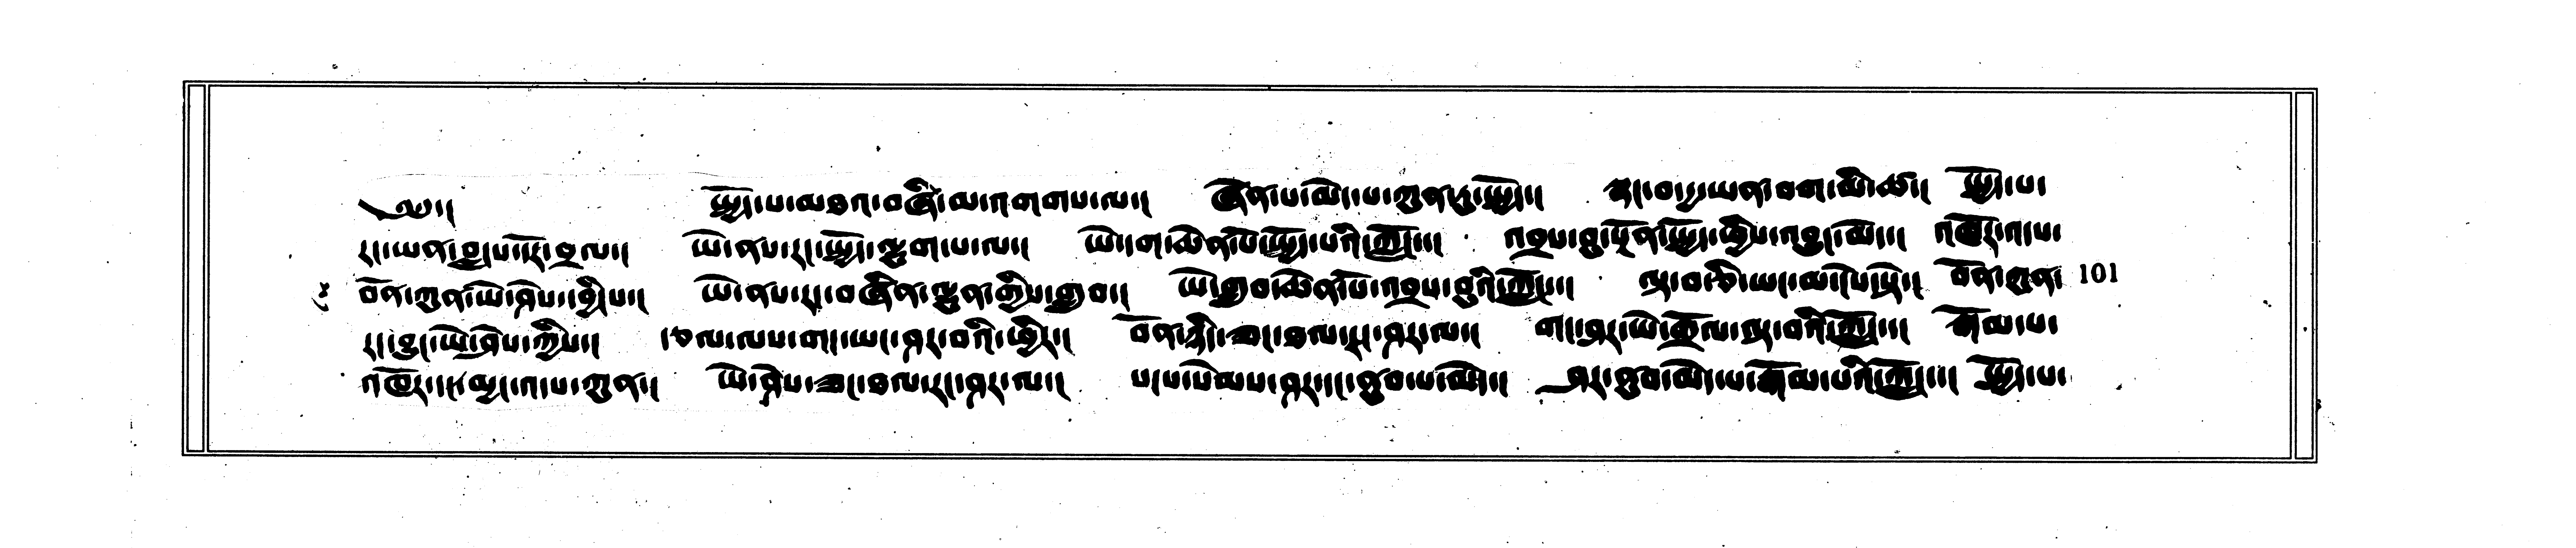སྤྱོད་པ་མཐའ་བཞི་མ་འགག་ལ། །ཞེན་པ་མེད་པ་ཀུན་ཏུ་སྤྱོད། །སྣང་བ་རྒྱ་ཡན་བག་མི་ཚ། །སྤྱོད་པ་རང་ཡན་བླང་དོར་བྲལ། །ཡེ་ནས་
རང་སྤྱོད་ལྷུག་པ་ལ། །ཡེ་དག་ཆེན་པོ་སྤྱོད་པའི་ཀློང་། །འབྲས་བུ་སྔོན་སྤྱོད་ཕྱིས་འབྱུང་མེད། །འཁོར་འདས་
བོན་ཀུན་ཡེ་ཤེས་དབྱིངས། །ཡེ་ནས་རང་བཞིན་ལྷུན་གྱིས་གྲུབ། །ཡེ་གྲུབ་ཆེན་པོ་འབྲས་བུའི་ཀློང་། །ལྟ་བ་ཅི་ཡང་མ་ངེས་ཏེ། །བོན་ཀུན་
རང་འབྱུང་ཡེ་ཤེས་ཀྱིས། །རྩལ་ལས་གང་ཡང་ཤར་བའི་ཕྱིར། །བོན་ཉིད་ཟང་ཐལ་རང་ཤར་ལ། །གང་ཤར་ཡེ་གྲོལ་ལྟ་བའི་ཀློང་། །སྒོམ་པ་
འཁོར་དང་མྱང་འདས་ཀུན། །ཡེ་ཤེས་ཟང་ཐལ་རང་ཤར་ལ། །སངས་སེམས་ཤར་དང་ནུབ་པ་མེད། །ཤར་ནུབ་མེད་པ་སྒོམ་པའི་ཀློང་། །སྤྱོད་པ་